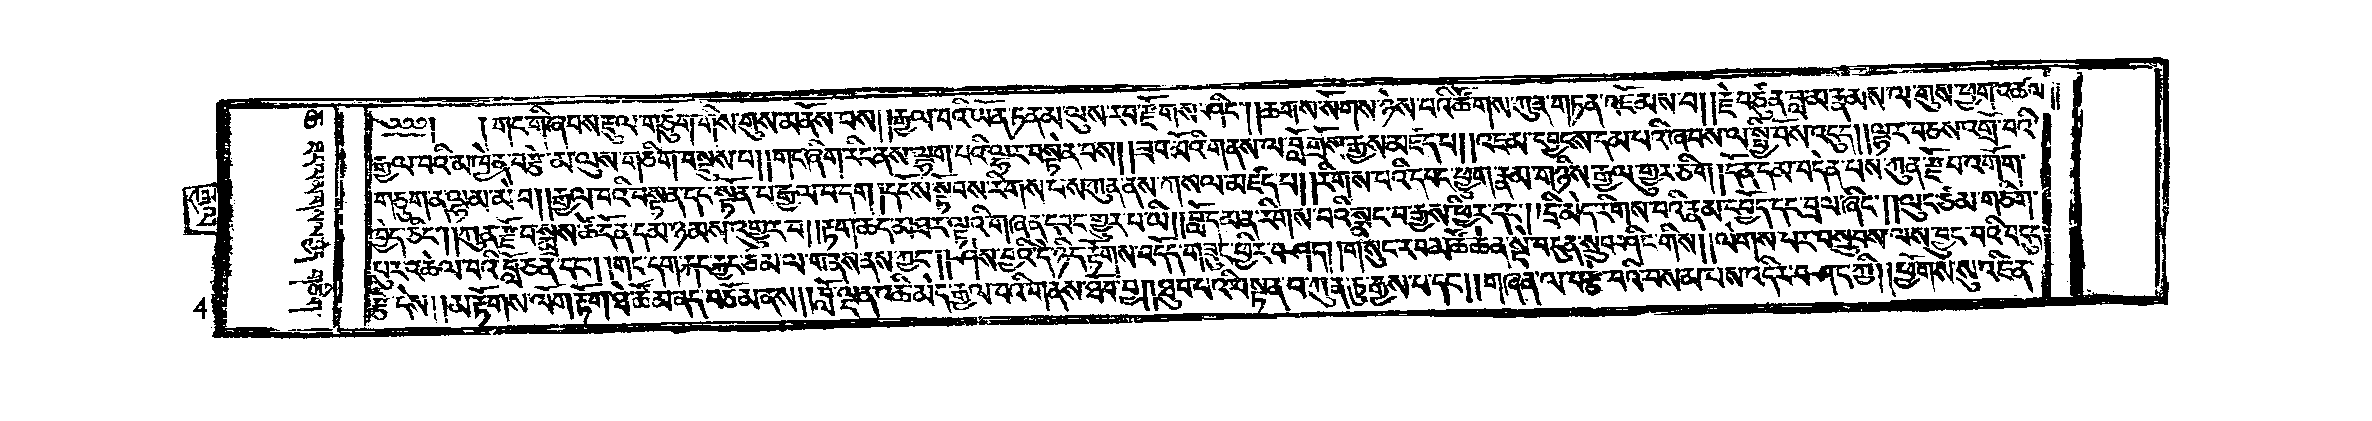༄༅༅། །གང་གི་ཞབས་རྡུལ་གཙུག་གིས་གུས་མནོས་པས། །རྒྱལ་བའི་ཡོན་ཏན་མ་ལུས་རབ་རྫོགས་ཤིང་། །ཆགས་སོགས་ཉེས་པའི་ཚོགས་ཀུན་གཏན་འཇོམས་པ། །རྗེ་བཙུན་བླ་མ་རྣམས་ལ་གུས་ཕྱག་འཚལ་
རྒྱལ་བའི་མཁྱེན་བརྩེ་མ་ལུས་གཅིག་བསྡུས་པ། །གང་ཞིག་རིང་ནས་ལྷག་པའི་ལྷར་བསྟེན་པས། །ཟབ་མོའི་གནས་ལ་བློ་གྲོས་རྒྱས་མཛད་པ། །འཇམ་དབྱངས་དམ་པའི་ཞབས་ལ་སྤྱི་བོས་འདུད། །ལྷར་བཅས་འགྲོ་བའི་
གཅུག་ན་ལྷམ་མེ་བ། །རྒྱལ་བའི་བསྟན་དང་སྟོན་པ་རྒྱལ་བ་དག །དངོས་སྟོབས་རིགས་པས་ཀུན་ནས་གསལ་མཛད་པ། །རིགས་པའི་དབང་ཕྱུག་རྣམ་གཉིས་རྒྱལ་གྱུར་ཅིག །དོན་དམ་བདེན་པས་ཀུན་རྫོབ་འགོག་
བྱེད་ཅིང་། །ཀུན་རྫོབ་སྨྲས་ཚེ་དོན་དམ་ཉམས་འགྱུར་བ། །རྟག་ཆད་མཐར་ལྟའི་གཞན་དབང་གྱུར་པ་ཡི། །བློ་དམན་རིགས་པའི་སྣང་བ་རྒྱས་ཕྱིར་དང་། །དྲི་མེད་རིགས་པའི་རྣམ་དཔྱོད་དང་བྲལ་ཞིང་། །ལུང་ཙམ་གཅིག་
པུར་འཆེལ་བའི་བློ་ཅན་དང་། །གང་དག་རྐང་རྐྱང་ཙམ་ལ་གནས་ནས་ཀྱང་། །ཤེས་བྱའི་དེ་ཉིད་རྟོགས་འདོད་གཟུང་ཕྱིར་བཤད། །གསུང་རབ་མཚོ་ཆེན་སྡེ་བདུན་སྲུབ་ཤིང་གིས། །ལེགས་པར་བསྲུངས་ལས་བྱུང་བའི་བདུད།
རྩི་དེས། །མ་རྟོགས་ལོག་རྟོག་ཐེ་ཚོམ་ནད་བཅོམ་ནས། །བློ་ལྡན་འཆི་མེད་རྒྱལ་བའི་གནས་ཐོབ་བྱ། །ཐུབ་པའི་བསྟན་པ་ཀུན་ཏུ་རྒྱས་པ་དང་། །གཞན་ལ་བརྩེ་བའི་བསམ་པས་འདིར་བཤད་ཀྱི། །ཕྱོགས་སུ་འཛིན་